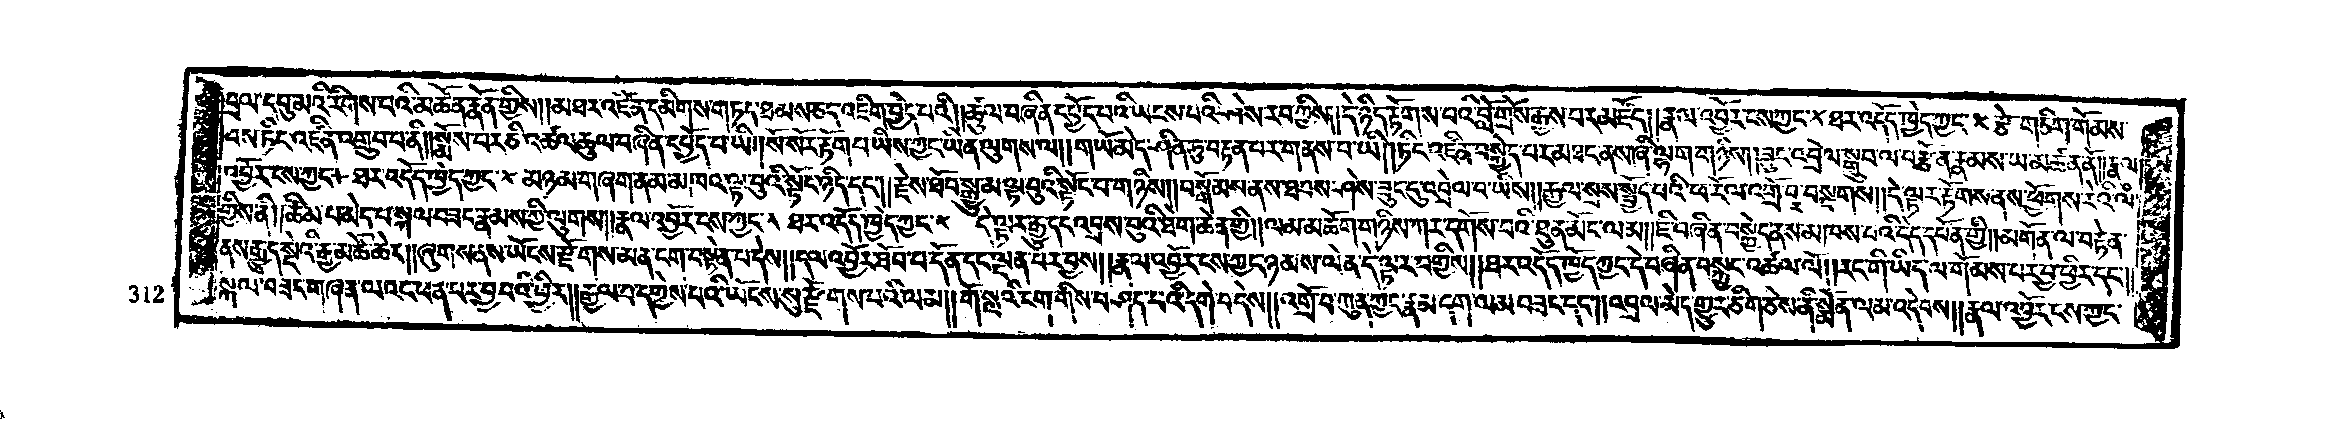བྲལ་དབུ་མའི་རིགས་པའི་མཚོན་རྣོན་གྱིས། །མཐར་འཛིན་དམིགས་གཏོད་ཐམས་ཅད་འཇིག་བྱེད་པའི། །ཚུལ་བཞིན་དཔྱོད་པའི་ཡངས་པའི་ཤེས་རབ་ཀྱིས། །དེ་ཉིད་རྟོགས་པའི་བློ་གྲོས་རྒྱས་པར་མཛད། །རྣལ་འབྱོར་ངས་ཀྱང་྾་ཐར་འདོད་ཁྱེད་ཀྱང་྾་རྩེ་གཅིག་གོམས་
པས་ཏིང་འཛིན་འགྲུབ་པ་ནི། །སྨོས་པར་ཅི་འཚལ་ཚུལ་བཞིན་དཔྱོད་པ་ཡི། །སོ་སོར་རྟོག་པ་ཡིས་ཀྱང་ཡིན་ལུགས་ལ། །གཡོ་མེད་ཤིན་ཏུ་བརྟན་པར་གནས་པ་ཡི། །ཏིང་འཛིན་བསྐྱེད་པར་མཐོང་ནས་ཞེ་ལྷག་གཉིས། །ཟུང་འབྲེལ་སྒྲུབ་ལ་བརྩོན་རྣམས་ཡ་མཚན་ནོ། །རྣལ་
འབྱོར་ངས་ཀྱང་྾་ཐར་འདོད་ཁྱེད་ཀྱང་྾་མཉམ་གཞག་ནམ་མཁའ་ལྟ་བུའི་སྟོང་ཉིད་དང་། །རྗེས་ཐོབ་སྒྱུ་མ་ལྟ་བུའི་སྟོང་པ་གཉིས། །བསྒོམས་ནས་ཐབས་ཤེས་ཟུང་དུ་འབྲེལ་བ་ཡིས། །རྒྱལ་སྲས་སྤྱོད་པའི་ཕ་རོལ་འགྲོ་བར་བསྔགས། །དེ་ལྟར་རྟོགས་ནས་ཕྱོགས་རེའི་ལཾ་
གྱིས་ནི། །ཚིམ་པ་མེད་པ་སྐལ་བཟང་རྣམས་ཀྱི་ལུགས། །རྣལ་འབྱོར་ངས་ཀྱང་྾་ཐར་འདོད་ཁྱེད་ཀྱང་྾་དེ་ལྟར་རྒྱུ་དང་འབྲས་བུའི་ཐེག་ཆེན་གྱི། །ལམ་མཆོག་གཉིས་ཀར་དགོས་པའི་ཐུན་མོང་ལམ། །ཇི་བཞིན་བསྐྱེད་ནས་མཁས་པའི་དེད་དཔོན་གྱི། །མགོན་ལ་བརྟེན་
ནས་རྒྱུད་སྡེའི་རྒྱ་མཚོ་ཆེར། །ཞུགས་ནས་ཡོངས་རྫོགས་མན་ངག་བསྟེན་པ་དེས། །དལ་འབྱོར་ཐོབ་པ་དོན་དང་ལྡན་པར་བྱས། །རྣལ་འབྱོར་ངས་ཀྱང་ཉམས་ལེན་དེ་ལྟར་བགྱིས། །ཐར་འདོད་ཁྱོད་ཀྱང་དེ་བཞིན་བསྐྱང་འཚལ་ལོ། །རང་གི་ཡིད་ལ་གོམས་པར་བྱ་ཕྱིར་དང།།
སྐལ་བཟང་གཞན་ལའང་ཕན་པར་བྱ་བའི་ཕྱིར། །རྒྱལ་བ་དགྱེས་པའི་ཡོངས་སུ་རྫོགས་པའི་ལམ། །གོ་སླའི་ངག་གིས་བཤད་པའི་དགེ་བ་དེས། །འགྲོ་བ་ཀུན་ཀྱང་རྣམ་དག་ལམ་བཟང་དང་། །འབྲལ་མེད་གྱུར་ཅིག་ཅེས་ན་སྨོན་ལམ་འདེབས། །རྣལ་འབྱོར་ངས་ཀྱང་